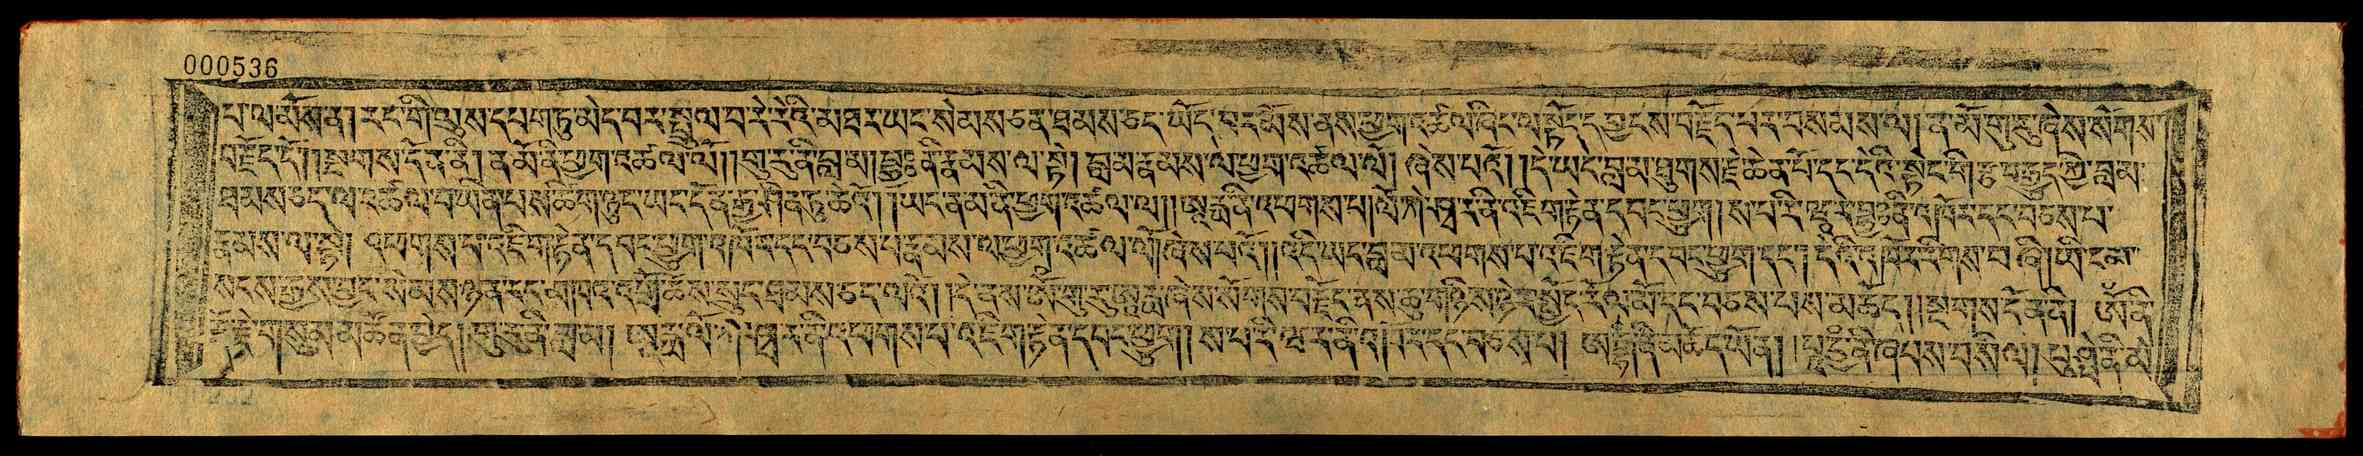པ་ལ་མོས་ན། རང་གི་ལུས་དཔག་ཏུ་མེད་པར་སྤྲུལ་པ་རེ་རེའི་མཐར་མང་སེམས་ཅན་ཐམས་ཅད་ཡོད་པར་མས་ནས་ཕྱག་འཚལ་ཞིང་བསྟོད་དབྱངས་བརྗོད་པར་བསམས་ལ། ན་མོ་གུ་རུ་ཞེས་སོགས་
བརྗོད་དོ། །སྔགས་དོན་ནི། ན་མོ་ནི་ཕྱག་འཚལ་ལོ། །གུ་རུ་ནི་བླ་མ། བྷྱཿ ནི་རྣམས་ལ་སྟེ། བླ་མ་རྣམས་ལ་ཕྱག་འཚལ་ལོ། །ཞེས་པའོ། །དེ་ཡང་བླ་མ་ཐུགས་རྗེ་ཆེན་པོ་དང་དེའི་སྟེང་གི་རྩ་བརྒྱུད་ཀྱི་བླ་མ་
ཐམས་ཅད་ལ་འཚལ་བ་ཡིན་པས་ཚིག་ཉུང་ཡང་དོན་རྒྱ་ཤིན་ཏུ་ཆེའོ། །ཡང་ན་མ་ནི་ཕྱག་འཚལ་ལོ། །ཨཱ་རྱ་ནི་འཕགས་པ། ལོ་ཀེ་ཤྭེ་ར་ནི་འཇིག་རྟེན་དབར་ཕྱུག །ས་པ་རི་ཝཱརེ་བྷྱཿ ནི་འཁོར་དང་བཅས་པ་
རྣམས་ལ་སྟེ། འཕགས་པ་འཇིག་རྟེན་དབང་ཕྱུག་འཁོར་དང་བཅས་པ་རྣམས་ལ་ཕྱག་འཚལ་ལོ། ཞེས་པའོ། །འདི་ཡང་བླ་མ་འཕགས་པ་འཇིག་རྟེན་དབང་ཕྱུག་དང་། དེའི་འཁོར་རིགས་བཞི། ཡི་དམ་
སངས་རྒྱས་བྱང་སེམས་ཉན་རང་མཁའ་འགྲོ་ཆོས་སྲུང་ཐམས་ཅད་ལའོ། །དེ་ནས་ཨོཾ་གུ་རུ་ཨཱརཡ་ཞེས་སོགས་བརྗོད་ནས་ཆུ་གཉིས་ཉེར་སྤྱོད་རོལ་མོ་དང་བཅས་པས་མཆོད། སྔགས་དོན་ནི། ཨོཾ་ནི་
རྡོ་རྗེ་གསུམ་མཚོན་བྱེད། གུ་རུ་ནི་བླ་མ། ཨཱ་རྱ་ལོ་ཀེ་ཤྭ་ར་ནི་འཕགས་པ་འཇིག་རྟེན་དབང་ཕྱུག །ས་པ་རི་ཝ་ར་ནི་འཁོར་དང་བཅས་པ། ཨརྒྷཾ་ནི་མཆོད་ཡོན། པཱ་དྱཾ་ནི་ཞབས་བསིལ། པུཥྤེ་ནི་མེ་